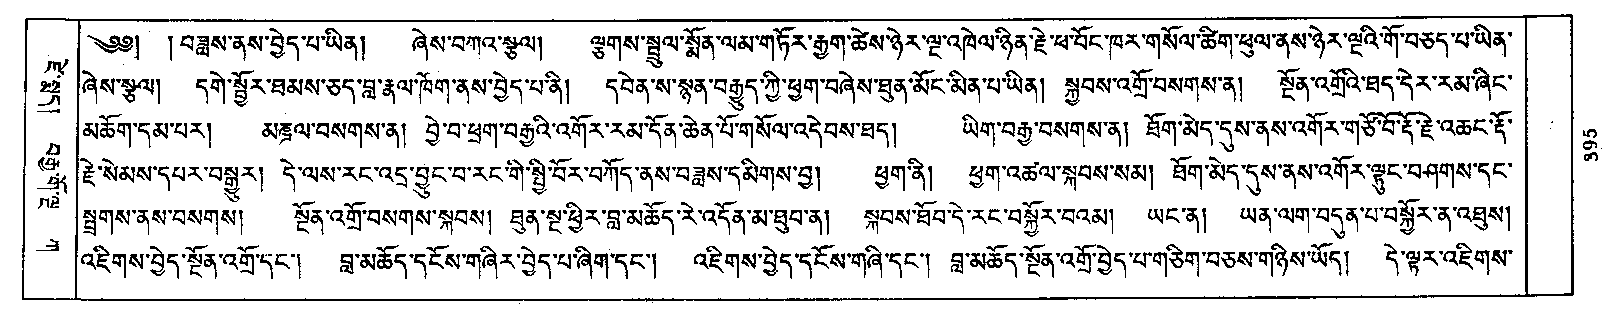༄༅། །བཟླས་ནས་བྱེད་པ་ཡིན། ཞེས་བཀའ་སྩལ། ལྕགས་སྦྲུལ་སྨོན་ལམ་གཏོར་རྒྱག་ཚེས་ཉེར་ལྔ་འཁེལ་ཉིན་རྗེ་ཕ་བོང་ཁར་གསོལ་ཚིག་ཕུལ་ནས་ཉེར་ལྔའི་གོ་བཅད་པ་ཡིན་
ཞེས་སྩལ། དགེ་སྦྱོར་ཐམས་ཅད་བླ་རྣལ་ཁོག་ནས་བྱེད་པ་ནི། དབེན་ས་སྙན་བརྒྱུད་ཀྱི་ཕྱག་བཞེས་ཐུན་མོང་མིན་པ་ཡིན། སྐྱབས་འགྲོ་བསགས་ན། སྔོན་འགྲོའི་ཐད་དེར་རམ་ཞིང་
མཆོག་དམ་པར། མཎྜལ་བསགས་ན། བྱེ་བ་ཕྲག་བརྒྱའི་འགོར་རམ་དོན་ཆེན་པོ་གསོལ་འདེབས་ཐད། ཡིག་བརྒྱ་བསགས་ན། ཐོག་མེད་དུས་ནས་འགོར་གཙོ་བོ་རྡོ་རྗེ་འཆང་རྡོ་
རྗེ་སེམས་དཔར་བསྒྱུར། དེ་ལས་རང་འདྲ་བྱུང་བ་རང་གི་སྤྱི་བོར་བཀོད་ནས་བཟླས་དམིགས་བྱ། ཕྱག་ནི། ཕྱག་འཚལ་སྐབས་སམ། ཐོག་མེད་དུས་ནས་འགོར་ལྟུང་བཤགས་དང་
སྦྲགས་ནས་བསགས། སྔོན་འགྲོ་བསགས་སྐབས། ཐུན་སྔ་ཕྱིར་བླ་མཆོད་རེ་འདོན་མ་ཐུབ་ན། སྐབས་ཐོབ་དེ་རང་བསྐྱོར་བའམ། ཡང་ན། ཡན་ལག་བདུན་པ་བསྐྱོར་ན་འཐུས།
འཇིགས་བྱེད་སྔོན་འགྲོ་དང་། བླ་མཆོད་དངོས་གཞིར་བྱེད་པ་ཞིག་དང་། འཇིགས་བྱེད་དངོས་གཞི་དང་། བླ་མཆོད་སྔོན་འགྲོ་བྱེད་པ་གཅིག་བཅས་གཉིས་ཡོད། དེ་ལྟར་འཇིགས་